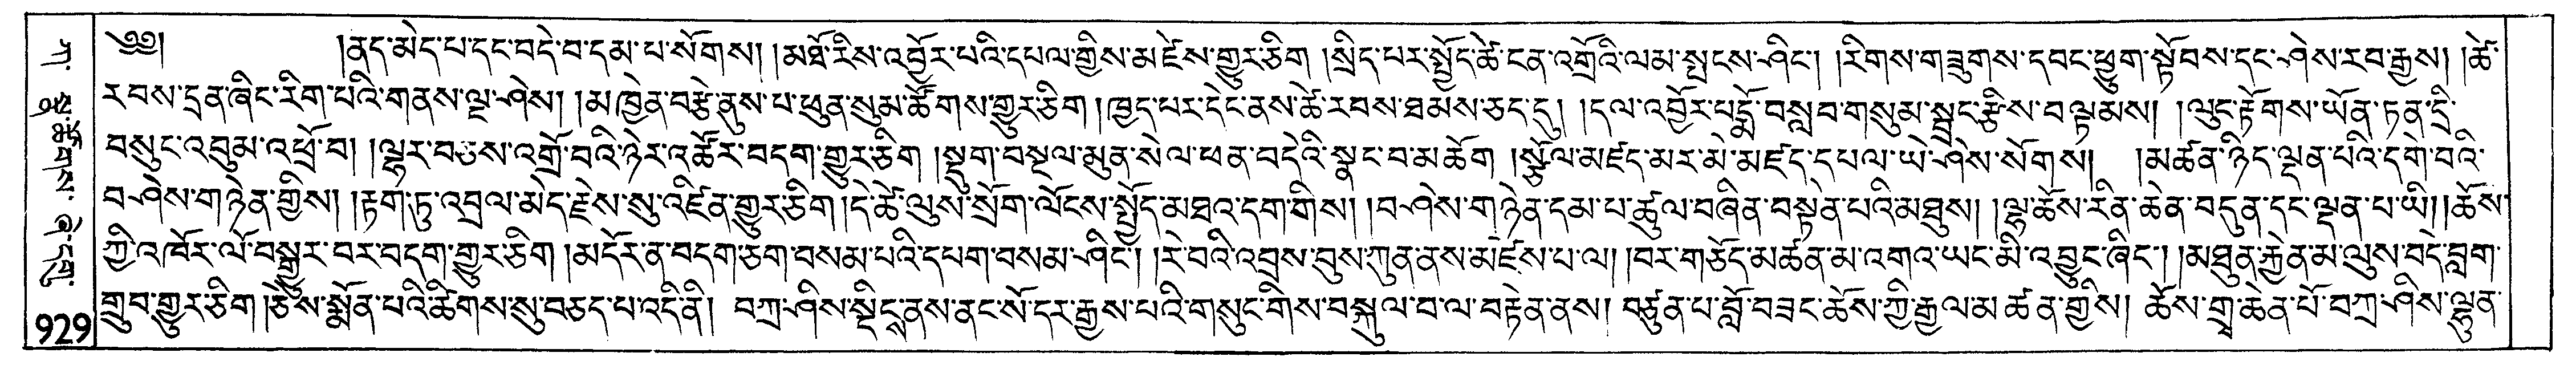༄༅། །ནད་མེད་པ་དང་བདེ་བ་དམ་པ་སོགས། །མཐོ་རིས་འབྱོར་པའི་དཔལ་གྱིས་མཛེས་གྱུར་ཅིག །སྲིད་པར་སྤྱོད་ཚེ་ངན་འགྲོའི་ལམ་སྤངས་ཤིང་། །རིགས་གཟུགས་དབང་ཕྱུག་སྟོབས་དང་ཤེས་རབ་རྒྱས། །ཚེ་
རབས་དྲན་ཞིང་རིག་པའི་གནས་ལྔ་ཤེས། །མཁྱེན་བརྩེ་ནུས་པ་ཕུན་སུམ་ཚོགས་གྱུར་ཅིག །ཁྱད་པར་དེང་ནས་ཚེ་རབས་ཐམས་ཅད་དུ། །དལ་འབྱོར་པདམོ་བསླབ་གསུམ་སྦྲང་རྩིས་བལྟམས། །ལུང་རྟོགས་ཡོན་ཏན་དྲི་
བསུང་འབུམ་འཕྲོ་བ། །ལྷར་བཅས་འགྲོ་བའི་ཉེར་འཚོར་བདག་གྱུར་ཅིག །སྡུག་བསྔལ་མུན་སེལ་ཕན་བདེའི་སྣང་བ་མཆོག །སྩོལ་མཛད་མར་མེ་མཛད་དཔལ་ཡེ་ཤེས་སོགས། །མཚན་ཉིད་ལྡན་པའི་དགེ་བའི་
བཤེས་གཉེན་གྱིས། །རྟག་ཏུ་འབྲལ་མེད་རྗེས་སུ་འཛིན་གྱུར་ཅིག །དེ་ཚེ་ལུས་སྲོག་ལོངས་སྤྱོད་མཐའ་དག་གིས། །བཤེས་གཉེན་དམ་པ་ཚུལ་བཞིན་བསྟེན་པའི་མཐུས། །ལྷ་ཆོས་རིན་ཆེན་བདུན་དང་ལྡན་པ་ཡི། །ཆོས་
ཀྱི་འཁོར་ལོ་བསྒྱུར་བར་བདག་གྱུར་ཅིག །མདོར་ན་བདག་ཅག་བསམ་པའི་དཔག་བསམ་ཤིང་། །རེ་བའི་འབྲས་བུས་ཀུན་ནས་མཛེས་པ་ལ། །བར་གཅོད་མཚན་མ་འགའ་ཡང་མི་འབྱུང་ཞིང་། །མཐུན་རྐྱེན་མ་ལུས་བདེ་བླག་
གྲུབ་གྱུར་ཅིག །ཅེས་སྨོན་པའི་ཚིགས་སུ་བཅད་པ་འདི་ནི། བཀྲ་ཤིས་སྡིངས་ནས་ནང་སོ་དར་རྒྱས་པའི་གསུང་གིས་བསྐུལ་བ་ལ་བརྟེན་ནས། བཙུན་པ་བློ་བཟང་ཆོས་ཀྱི་རྒྱལ་མཚན་གྱིས། ཆོས་གྲྭ་ཆེན་པོ་བཀྲ་ཤིས་ལྷུན་